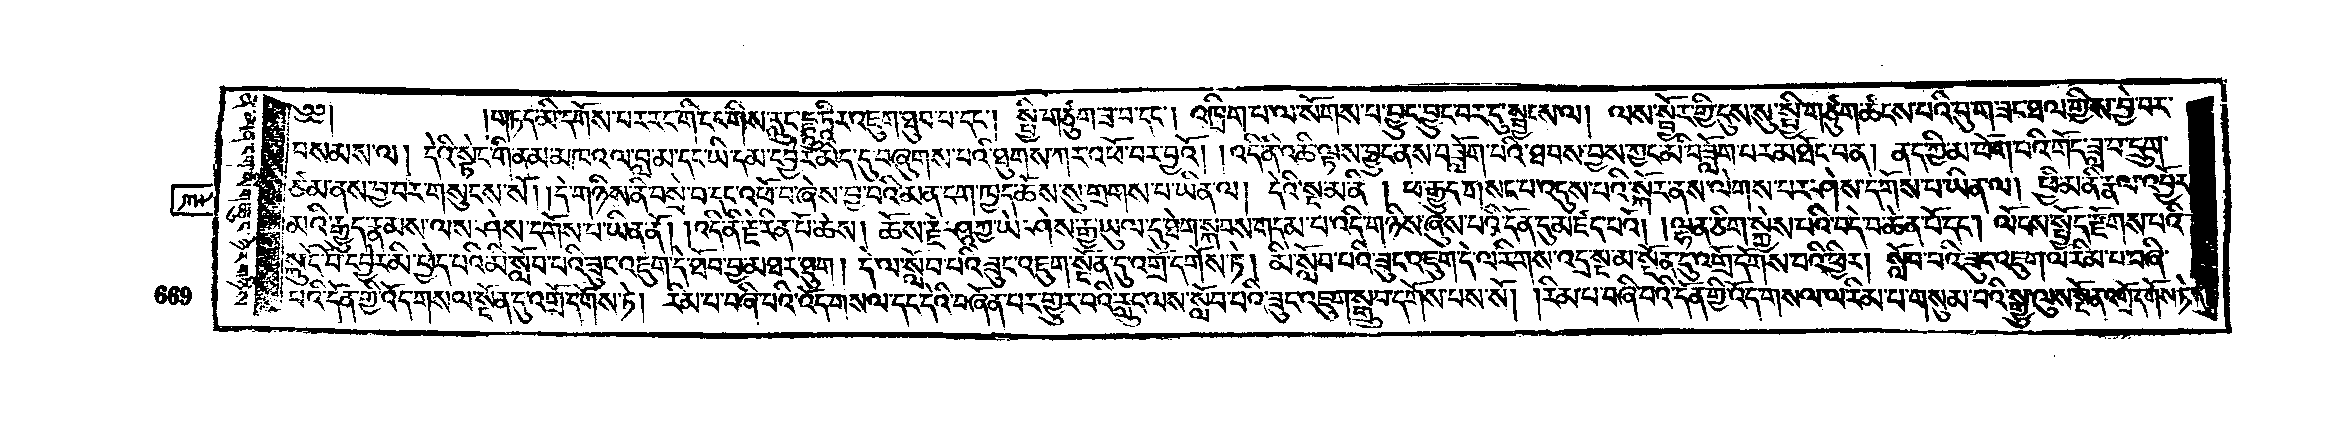༄༅། །གཏད་མི་དགོས་པར་རང་གི་ངང་གིས་རླུང་དྷཱུ་ཏཱིར་འཇུག་ཐུབ་པ་དང་། སྤྱི་གཙུག་ཟ་བ་དང་། འཁྲིག་པ་ལ་སོགས་པ་བྱུང་བྱུང་བར་དུ་སྦྱངས་ལ། ལས་སྦྱོར་གྱི་དུས་སུ་སྤྱི་གཙུག་ཚངས་པའི་བུ་ག་ཟང་ཐལ་གྱིས་བྱེ་བར་
བསམས་ལ། དེའི་སྟེང་གི་ནམ་མཁའ་ལ་བླ་མ་དང་ཡི་དམ་དབྱེར་མེད་དུ་བཞུགས་པའི་ཐུགས་ཀར་འཕོ་བར་བྱའོ། །འདི་ནི་འཆི་ལྟས་བྱུང་ནས་བཟློག་པའི་ཐབས་བྱས་ཀྱང་མི་བཟློག་པར་མཐོང་བ་ན། ནད་ཀྱི་མ་ཕོག་པའི་གོང་ཟླ་བ་དྲུག་
ཙམ་ནས་བྱ་བར་གསུངས་སོ། །དེ་གཉིས་ནི་བསྲེ་བ་དང་འཕོ་བ་ཞེས་བྱ་བའི་མན་ངག་ཁྱད་ཆོས་སུ་གྲགས་པ་ཡིན་ལ། དེའི་སྔ་མ་ནི། ཕ་རྒྱུད་གསང་བ་འདུས་པའི་སྐོར་ནས་ལེགས་པར་ཤེས་དགོས་པ་ཡིན་ལ། ཕྱི་མ་ནི་རྣལ་འབྱོར་
མའི་རྒྱུད་རྣམས་ལས་ཤེས་དགོས་པ་ཡིན་ནོ། །འདི་ནི་རྗེ་རིན་པོ་ཆེས། ཆོས་རྗེ་ཤཱཀྱ་ཡེ་ཤེས་རྒྱ་ཡུལ་དུ་ཐེག་སྐབས་གདམ་པ་འདི་གཉིས་ཞུས་པའི་དོན་དུ་མཛད་པའོ། །ལྷན་ཅིག་སྐྱེས་པའི་བདེ་བ་ཆེན་པོ་དང་། ལོངས་སྤྱོད་རྫོགས་པའི་
སྐུ་ངོ་བོ་དབྱེར་མི་ཕྱེད་པའི་མི་སློབ་པའི་ཟུང་འཇུག་དེ་ཐོབ་བྱ་མཐར་ཐུག །དེ་ལ་སློབ་པའི་ཟུང་འཇུག་སྔོན་དུ་འགྲོ་དགོས་ཏེ། མི་སློབ་པའི་ཟུང་འཇུག་དེ་ལ་རིགས་འདྲ་སྔ་མ་སྔོན་དུ་འགྲོ་དོགས་པའི་ཕྱིར། སློབ་པའི་ཟུང་འཇུག་ལ་རིམ་པ་བཞི་
པའི་དོན་གྱི་འོད་གསལ་སྔོན་དུ་འགྲོ་དགོས་ཏེ། རིམ་པ་བཞི་པའི་འོད་གསལ་དང་དེའི་བཞོན་པར་གྱུར་པའི་རླུང་ལས་སློབ་པའི་ཟུང་འཇུག་སྒྲུབ་དགོས་པས་སོ། །རིམ་པ་བཞི་པའི་དོན་གྱི་འོད་གསལ་ལ་རིམ་པ་གསུམ་པའི་སྒྱུ་ལུས་སྔོན་འགྲོ་དགོས་ཏེ་